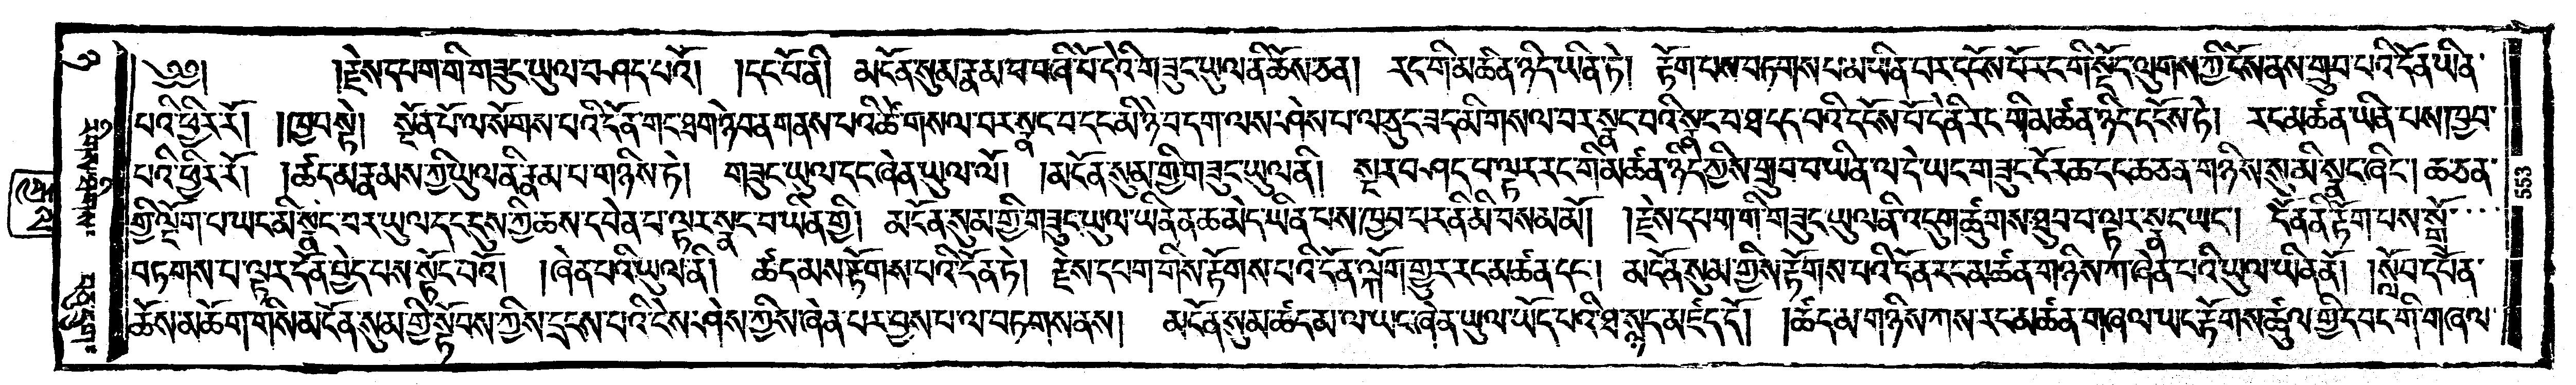༄༅། །རྗེས་དཔག་གི་གཟུང་ཡུལ་བཤད་པའོ། །དང་པོ་ནི། མངོན་སུམ་རྣམ་པ་བཞི་པོ་དེའི་གཟུང་ཡུལ་ནི་ཆོས་ཅན། རང་གི་མཚན་ཉིད་ཡིན་ཏེ། རྟོག་པས་བཏགས་པ་མ་ཡིན་པར་དངོས་པོ་རང་གི་སྡོད་ལུགས་ཀྱི་ངོས་ནས་གྲུབ་པའི་དོན་ཡིན་
པའི་ཕྱིར་རོ། །ཁྱབ་སྟེ། སྔོན་པོ་ལ་སོགས་པའི་དོན་གང་ཐག་ཉེ་བ་ན་གནས་པའི་ཚེ་གསལ་བར་སྣང་བ་དང་མི་ཉེ་བ་དག་ལས་ཤེས་པ་ལ་ཅུང་ཟད་མི་གསལ་བར་སྣང་བའི་སྣང་བ་ཐ་དད་པའི་དངོས་པོ་དེ་ནི་རང་གི་མཚན་ཉིད་དངོས་ཏེ། རང་མཚན་ཡིན་པས་ཁྱབ་
པའི་ཕྱིར་རོ། །ཚད་མ་རྣམས་ཀྱི་ཡུལ་ནི་རྣམ་པ་གཉིས་ཏེ། གཟུང་ཡུལ་དང་ཞེན་ཡུལ་ལོ། །མངོན་སུམ་གྱི་གཟུང་ཡུལ་ནི། སྔར་བཤད་པ་ལྟར་རང་གི་མཚན་ཉིད་ཀྱིས་གྲུབ་པ་ཡིན་ལ་དེ་ཡང་གཟུང་ངོར་ཆ་དང་ཆ་ཅན་གཉིས་སུ་མི་སྣང་ཞིང་། ཆ་ཅན་
གྱི་ལྡོག་པ་ཡང་མི་སྣང་བར་ཡུལ་དང་དུས་ཀྱི་ཆས་དཔེན་པ་ལྟར་སྣང་བ་ཡིན་གྱི། མངོན་སུམ་གྱི་གཟུང་ཡུལ་ཡིན་ན་ཆ་མེད་ཡིན་པས་ཁྱབ་པར་ནི་མི་བསམ་མོ། །རྗེས་དཔག་གི་གཟུང་ཡུལ་ནི་འདུག་ཚུགས་ཐུབ་པ་ལྟར་སྣང་ཡང་། དོན་ནི་རྟོག་པས་སྒྲོ་
བཏགས་པ་ལྟར་དོན་བྱེད་པས་སྟོང་པའོ། །ཞེན་པའི་ཡུལ་ནི། ཚད་མས་རྟོགས་པའི་དོན་ཏེ། རྗེས་དཔག་གིས་རྟོགས་པའི་དོན་ལྐོག་གྱུར་རང་མཚན་དང་། མངོན་སུམ་གྱིས་རྟོགས་པའི་དོན་རང་མཚན་གཉིས་ཀ་ཞེན་པའི་ཡུལ་ཡིན་ནོ། །སློབ་དཔོན་
ཆོས་མཆོག་གིས་མངོན་སུམ་གྱི་སྟོབས་ཀྱིས་དྲངས་པའི་ངེས་ཤེས་ཀྱིས་ཞེན་པར་བྱས་པ་ལ་བཏགས་ནས། མངོན་སུམ་ཚད་མ་ལ་ཡང་ཞེན་ཡུལ་ཡོད་པའི་ཐ་སྙད་མཛད་དོ། །ཚད་མ་གཉིས་ཀས་རང་མཚན་གཞལ་ཡང་རྟོགས་ཚུལ་གྱི་དབང་གི་གཞལ་